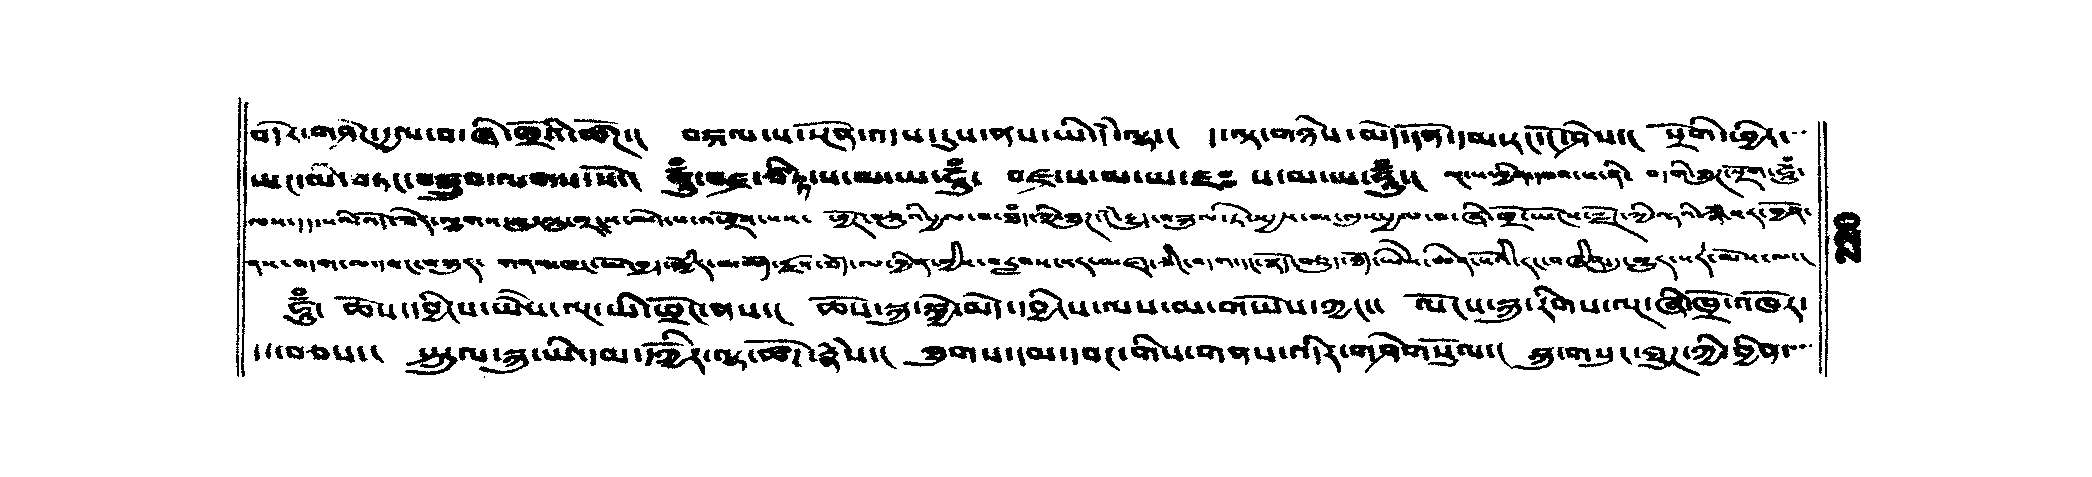བདེར་གཤེགས་རྒྱལ་བ་ཞི་ཁྲོའི་ཚོགས། །བསྐལ་པ་སྔོན་འདས་དུས་ནས་ཡི་དམ་ལྷ། །ད་ལྟ་གཉིས་མེད་དོན་དམ་རང་ངོ་ཤེས།། སྲོག་གི་ཕྱིར་
ཡང་མི་བཏང་བསྒྲུབ་ལགས་སོ། །ཧཱུྃ་བཛྲ་ཙིཏྟ་ས་མ་ཡ་ཧཱུྃ། བཛྲ་ས་མ་ཡ་ཛཿ ས་མ་ཡ་ཧཱུྃ། ལྔ་པ་བྱིན་དབབ་ནི། བདག་གི་ཐུགས་སྲོག་ཧཱུྃ་
ལས་དད་པའི་འོད་ཟེར་ལྕགས་ཀྱུ་ལྟ་བུ་གྲངས་མེད་པ་འཕྲོས་པས། ཕྱོགས་བཅུའི་རྒྱལ་བ་ཐམས་ཅད་ཀྱི་ཐུགས་དམ་རྒྱུད་བསྐུལ་ཏེ་སངས་རྒྱས་མ་ལུས་རྒྱལ་བ་ཞི་ཁྲོ་ཡོངས་རྫོགས་ཀྱི་ལྷའི་རྣམ་པར་བྱོན་
ནས་བདག་ལ་དབང་བསྐུར། གནས་ཁང་ཡོ་བྱད་དཀྱིལ་འཁོར་མཆོད་རྫས་ཐམས་ཅད་ལ་བྱིན་གྱིས་བརླབས་པར་མཛད་ཅིང་བདག་དང་སྣོད་བཅུད་ཐམས་ཅད་ཡེ་ཤེས་ཆེན་པོའི་རང་བཞིན་དུ་གྱུར་པར་མོས་ལ། 
ཧཱུྃ། ཆོས་དབྱིངས་ཡེ་ཤེས་ལྔའི་ཕོ་བྲང་ནས། །ཆོས་སྐུ་སྐྱེ་མེད་དབྱིངས་ལས་མ་གཡོས་ཀྱང་། །ལོངས་སྐུ་རིགས་ལྔ་ཞི་ཁྲོ་འཁོར་
དང་བཅས། །སྤྲུལ་སྐུ་ཡི་དམ་དཀྱིལ་འཁོར་ལྷ་ཚོགས་རྣམས། །ཐུགས་དམ་དབང་གིས་གནས་འདིར་གཤེགས་སུ་གསོལ། །སྐུ་གསུང་ཐུགས་ཀྱི་བྱིན་